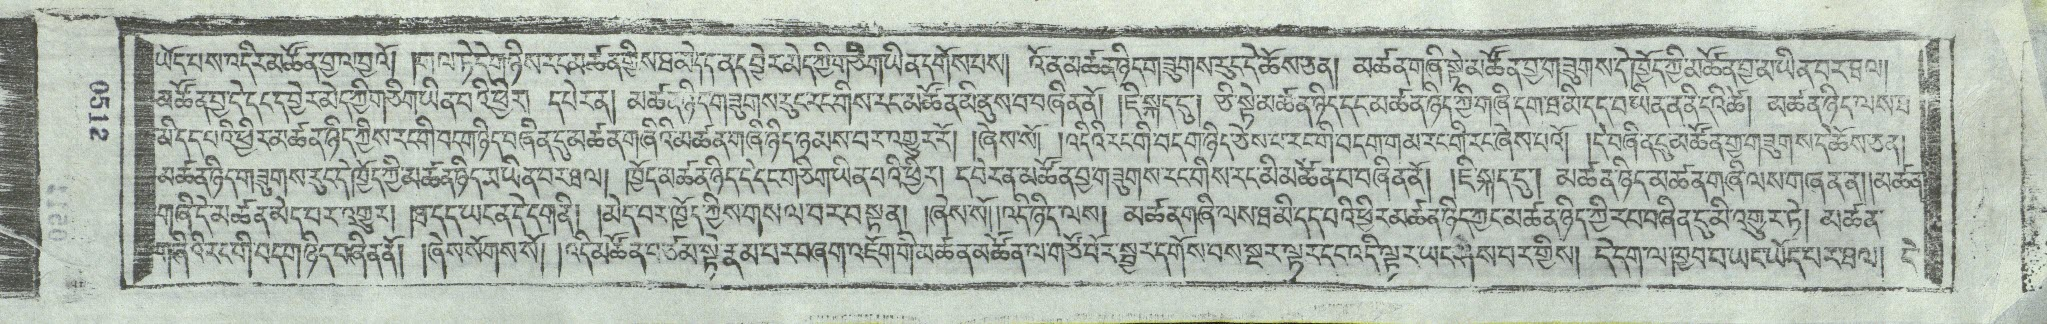ཡོད་པས་འདིར་མཚོན་བྱ་ལ་བྱའོ། །གལ་ཏེ་དེ་གཉིས་རང་མཚན་གྱིས་ཐ་མི་དད་ན་དབྱེར་མེད་ཀྱི་གཅིག་ཡིན་དགོས་པས། འོ་ན་མཚན་ཉིད་གཟུགས་རུང་དེ་ཆོས་ཅན། མཚན་གཞི་སྟེ་མཚོན་བྱ་གཟུགས་དེ་ཁྱོད་ཀྱི་མཚོན་བྱ་མ་ཡིན་པར་ཐལ།
མཚོན་བྱ་དེ་དང་དབྱེར་མེད་ཀྱི་གཅིག་ཡིན་པའི་ཕྱིར། དཔེར་ན། མཚན་ཉིད་གཟུགས་རུང་རང་གིས་རང་མཚོན་མི་ནུས་པ་བཞིན་ནོ། །ཇི་སྐད་དུ། ཅི་སྟེ་མཚན་ཉིད་དང་མཚན་ཉིད་ཀྱི་གཞི་དག་ཐ་མི་དད་པ་ཡིན་ན་ནི་དེའི་ཚེ། མཚན་ཉིད་ལས་ཐ་
མི་དད་པའི་ཕྱིར་མཚན་ཉིད་ཀྱིས་རང་གི་བདག་ཉིད་བཞིན་དུ་མཚན་གཞིའི་མཚན་གཞི་ཉིད་ཉམས་པར་འགྱུར་རོ། །ཞེས་སོ། །འདིའི་རང་གི་བདག་ཉིད་ཅེས་པ་རང་གི་བདག་གམ་རང་གི་རང་ཞེས་པའོ། །དེ་བཞིན་དུ་མཚོན་གྱ་གཟུགས་དེ་ཆོས་ཅན།
མཚན་ཉིད་གཟུགས་རུང་དེ་ཁྱོད་ཀྱི་མཚན་ཉིད་མ་ཡིན་པར་ཐལ། ཁྱོད་མཚན་ཉིད་དེ་དང་གཅིག་ཡིན་པའི་ཕྱིར། དཔེར་ན་མཚོན་བྱ་གཟུགས་རང་གིས་རང་མི་མཚོན་པ་བཞིན་ནོ། །ཇི་སྐད་དུ། མཚན་ཉིད་མཚན་གཞི་ལས་གཞན་ན། །མཚན་
གཞི་དེ་མཚན་མེད་པར་འགྱུར། །ཐ་དད་ཡང་ན་དེ་དག་ནི། །མེད་པར་ཁྱོད་ཀྱིས་གསལ་བར་བསྟན། །ཞེས་སོ། །འདི་ཉིད་ལས། མཚན་གཞི་ལས་ཐ་མི་དད་པའི་ཕྱིར་མཚན་ཉིད་ཀྱང་མཚན་ཉིད་ཀྱི་རང་བཞིན་དུ་མི་འགྱུར་ཏེ། མཚན་
གཞིའི་རང་གི་བདག་ཉིད་བཞིན་ནོ། །ཞེས་སོགས་སོ། །འདི་མཚོན་པ་ཙམ་སྟེ་རྣམ་པར་བཞག་འཇོག་གི་མཚན་མཚོན་ལ་གཙོ་བོར་སྦྱར་དགོས་པས་སྔར་ལྟར་དང་འདི་ལྟར་ཡང་ཤེས་པར་གྱིས། དེ་དག་ལ་ཁྱབ་པ་ཡང་ཡོད་པར་ཐལ། དེ་